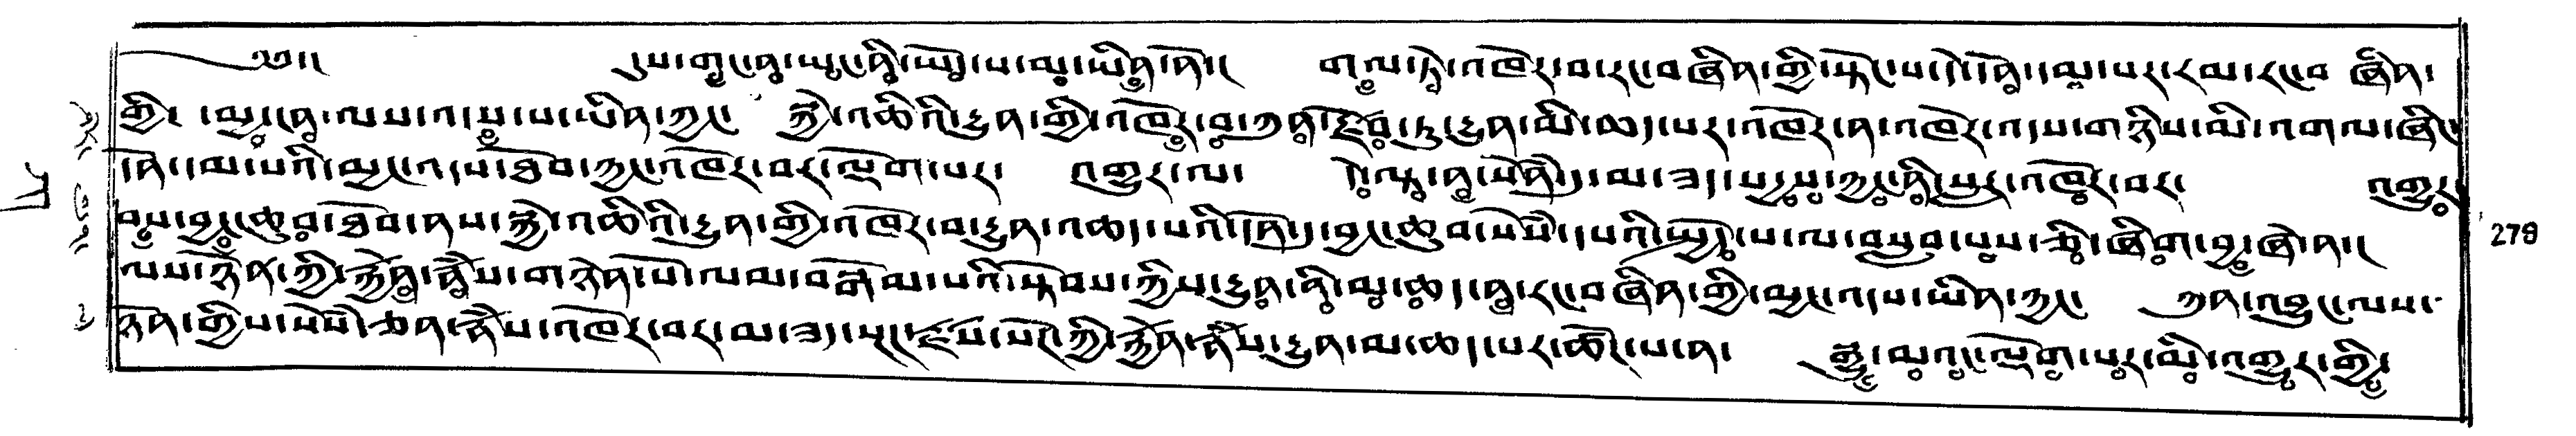དུས་གང་ན་ཡང་ནི་ཡོད་པ་མ་ཡིན་ནོ། གལ་ཏེ་འཁོར་བ་རང་བཞིན་གྱི་སྟོང་པ་དེ་དོན་དམ་པར་རམ་རང་བཞིན་
གྱི་མྱ་ངན་ལས་འདས་པ་ཡིན་ཀྱང་། སྐྱེ་འཆིའི་རྒྱུན་གྱི་འཁོར་བ་ཀུན་རྫོབ་ཏུ་རྒྱུན་མི་ཆད་པར་འཁོར་ན་འཁོར་འདས་གཉིས་མི་འགལ་ཞིང་
དོན་དམ་པའི་མྱང་འདས་ཐོབ་ཀྱང་འཁོར་བར་ལྡོག་པར་འགྱུར་ལ། དེ་ལྟ་ན་སེམས་ཅན་དུ་མ་ཟད་སངས་རྒྱས་ཀྱང་ནི་སླར་འཁོར་བར་འགྱུར་
བས་བྱང་ཆུབ་ཐོབ་ནས་སྐྱེ་འཆིའི་རྒྱུན་གྱི་འཁོར་བ་རྒྱུན་འཆད་པའི་དོན་དུ་བྱང་ཆུབ་སེམས་དཔའི་སྤྱོད་པ་ལ་བསླབ་པས་ཅི་ཞིག་བྱ་ཞེ་ན། 
ལས་ཉོན་ཀྱི་རྐྱེན་རྣམས་གཉེན་པོ་ལམ་བསྒོམ་པའི་སྟོབས་ཀྱིས་རྒྱུན་ནི་མ་ཆད་ན་རང་བཞིན་གྱི་མྱང་འདས་ཡིན་ཡང་། ཀུན་འབྱུང་ལས་
ཉོན་གྱིས་སེམས་ཅན་རྣམས་འཁོར་བར་མ་ཟད་སྔགས་རྫས་སོགས་ཀྱི་རྐྱེན་རྣམས་རྒྱུན་མ་ཆད་པར་ཚོགས་པ་ན། སྒྱུ་མའང་ལྡོག་པར་མི་འགྱུར་གྱི་